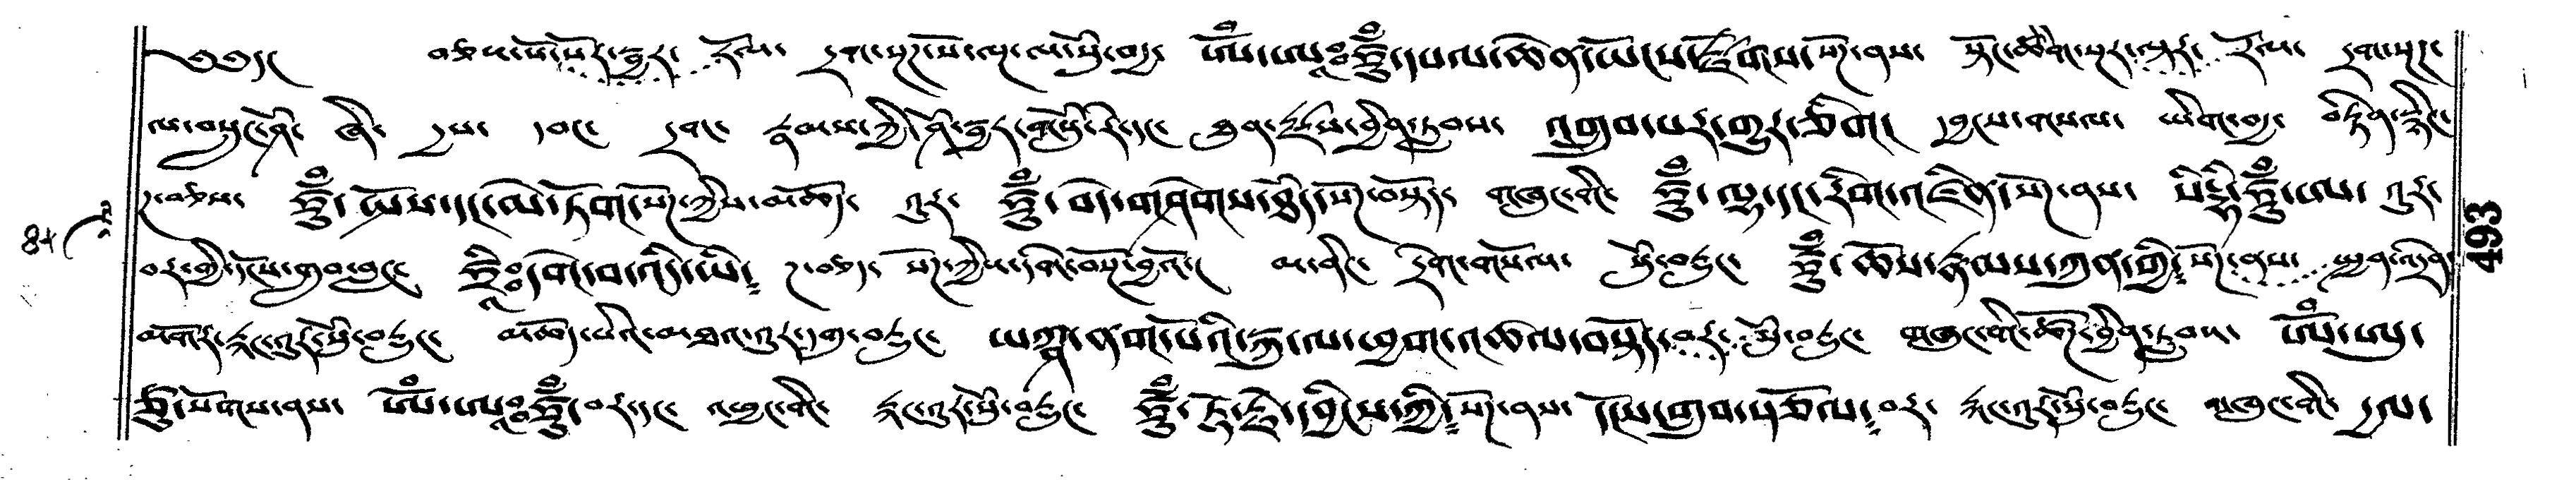བཅས་སོ་སོར་སྦྱར། དྲག་སྔགས་སོ་ལྔ་ལ་སུམ་བརྒྱ། ཨོཾ་ཨཱཿཧཱུྃ༔དཔལ་ཆེན་ཡོངས་རྫོགས༴ སོགས་ནས། སྟོང་ཚིག་སྔར་ལྟར། ( རོལ། ) དྲག་སྔགས་
ལས་སྲུང་གཤམ། ཞི་རྒྱས་དབང་དྲག་རྣམས་ཀྱི་གཤམ་སྦྱར་གསུམ་རེ་དང་། ཐུན་རྫས་བྱིན་རླབས། འགྲུབ་པར་གྱུར་ཅིག དབྱངས་གསལ། ཡིག་བརྒྱ། བརྟེན་སྙིང་། 
ཌཱ་བཅས། ཧཱུྃ༔ སྤོས་དང་མེ་ཏོག༴ སོགས་ཀྱིས་མཆོད། ( འུར། ) ཧཱུྃ༔ བདེ་གཤེགས་ཐམས་ཅད༴སོགས་བསྟོད། གཞུང་གི ཧཱུྃ༔ལྷ་དང་རིག་འཛིན༴ སོགས་ནས། སིདྡྷི་ཧཱུྃ་ཨཱཿ ( འུར། )
བར་གྱི་དངོས་གྲུབ་བླང་། ཧྲཱིཿདགེ་བ་འདི་ཡི༴ ( རྔ་བཅད། ) སོགས་ཀྱིས་དགེ་བསྔོ་བྱའོ། མ་ནིང་། དྲེགས་གསོལ། ( སུམ་བརྡུང་། ) ཧཱུྃ༔ཆོས་རྣམས་ཀུན་གྱི༴ སོགས་ནས། སྤྱན་འདྲེན་
མགོར་རྐང་འུར་སུམ་བརྡུང་། མཆོད་པའི་མཐའ་འུར་དགུ་བརྡུང་། ) ཡཀྴ་ནག་པོའི་སྐུ་ལ་ཕྱག་འཚལ་བསྟོད༔ བར། ( སུམ་རྡུང་། ) གཞུང་གི་ཚོགས་བྱིན་རླབས། ཨོཾ་ཨུ་
ཙུ༴ སོགས་ནས། ཨོཾ་ཨཿཧཱུྃ༔ བར་དང་། འཕྱང་གི ( རྐང་འུར་སུམ་བརྡུང་། ) ཧཱུྃ༔རྡོ་རྗེ་དབྱིངས་ཀྱི༴ སོགས་ནས། དངོས་གྲུབ་སྩོལ༔ བར། ( རྐང་འུར་སུམ་བརྡུང་། ) གཞུང་གི རྒྱལ་